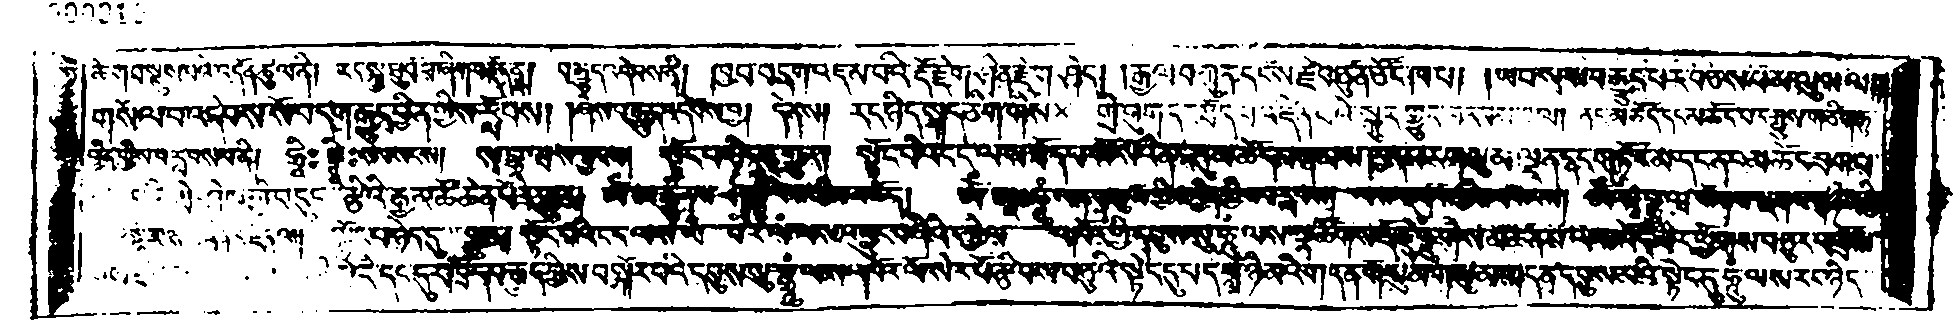ཆོ་ག་བསྡུས་པའི་འདོན་ཚུལ་ནི། རང་སྐྱ་ཐུབ་པ་ཞིག་བརྗོད་ན། བརྒྱུད་འདེབས་ནི། ཁྱབ་བདག་འཇམ་པའི་རྡོ་རྗེ་གཤིན་རྗེ་གཤེད། །རྒྱལ་བ་ཀུན་དངོས་རྗེ་བཙུན་ཙོང་ཁ་པ། །ཡབ་སྲས་བརྒྱུད་པར་བཅས་པ་མ་ལུས་ལ།།
གསོལ་བ་འདེབས་སོ་བདག་རྒྱུད་བྱིན་གྱིས་རློབས། ། ཞེས་བརྒྱུད་འདེབས་བྱ། དེ་ནས།  རང་ཉིད་སྐད་ཅིག་གིས་྾་གྲི་གུག་དང་ཐོད་པ་འཛིན་པའི་སྐུར་གྱུར་བར་བསམ་ལ། ནང་མཆོད་དང་མཆོད་པ་དཀྱུས་གཅིག་ཏུ་
བྱིན་གྱིས་བརླབས་པ་ནི། ཧྲཱིཿ ཥྚཱིཿ ས་བསངས། སྭ་བྷཱ་ཝས་སྦྱངས། སྟོང་པ་ཉིད་དུ་གྱུར། སྟོང་པའི་ངང་ལས་ཐོད་པ་སོ་སོའི་ནང་དུ་མཆོད་པ་རྣམས་ཁྱད་པར་གསུམ་ལྡན་དང་གཏོར་མ་དང་ནང་མཆོད་ཟག་པ་
མེད་པའི་ཡེ་ཤེས་ཀྱི་བདུད་རྩིའི་རྒྱ་མཚོ་ཆེན་པོར་གྱུར། ཨོཾ་ཨརྒྷཾ་ནས་ཤཔྟའི་བར་གྱིས་མཆོད།  ཨོཾ་ཨཱཿ ཧཱུཾ་ལན་གསུམ་གྱིས་བྱིན་གྱིས་བརླབས། ལས་སྔགས་ཀྱིས་བསངས།  ཨོཾ་སྭ་བྷཱ་ཝ་སོགས་སྔགས་གཉིས་ཀྱི་
དོན་བསྒོམས་བཞིན་བརྗོད་ལ། སྟོང་པ་ཉིད་དུ་གྱུར། སྟོང་པའི་ངང་ལས་ཡཾ་བཾ་རཾ་ལཾ་ལས་འབྱུང་བཞིའི་དཀྱིལ་འཁོར་གྱི་དབུས་སུ་ཧཱུཾ་ལས་སྣ་ཚོགས་རྡོ་རྗེ་ཧཱུཾ་གིས་མཚན་པ་ལས་འོད་ཟེར་ཕྱོགས་བཅུར་འཕྲོས་
པས་རྡོ་རྗེས་གཞི་རྭ་གུར་བླ་རེ་མེ་རི་དང་དུར་ཁྲོད་བརྒྱད་ཀྱིས་བསྐོར་བའི་དབུས་སུ་བྷྲཱུཾ་ལས་འཁོར་ལོ་སེར་པོ་རྩིབས་བཅུའི་སྟེང་དུ་པད་ཟླ་ཉི་མའི་གདན་གསུམ་གསུམ་གདན་དབུས་མའི་སྟེང་དུ་ཧཱུཾ་ལས་རང་ཉིད་